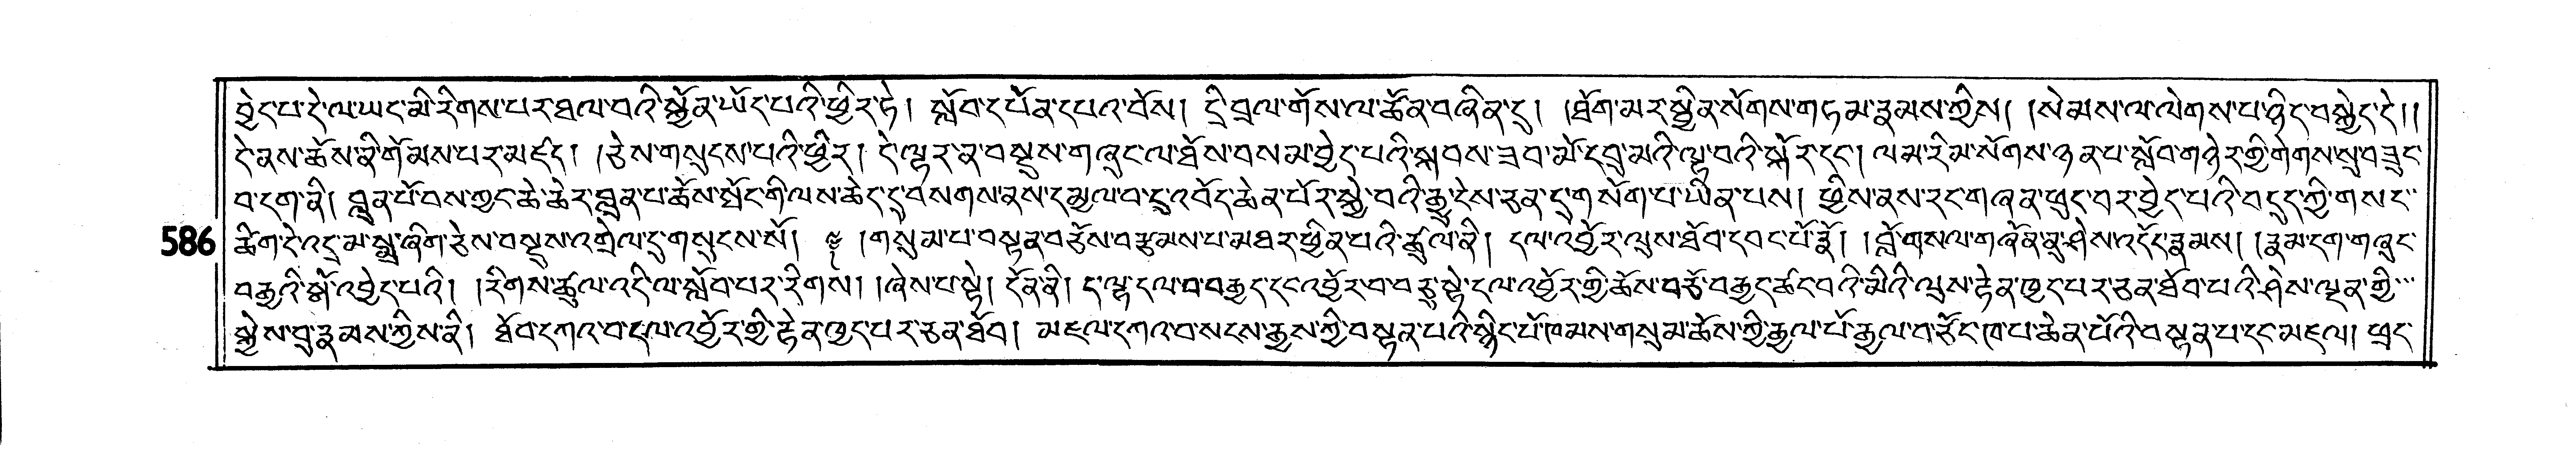བྱེད་པ་དེ་ལ་ཡང་མི་རིགས་པར་ཐལ་བའི་སྐྱོན་ཡོད་པའི་ཕྱིར་ཏེ། སློབ་དཔོན་དཔའ་བོས། དྲི་བྲལ་གོས་ལ་ཚོན་བཞིན་དུ། །ཐོག་མར་སྦྱིན་སོགས་གཏམ་རྣམས་ཀྱིས། །སེམས་ལ་ལེགས་པ་ཉིད་བསྐྱེད་དེ། །
དེ་ནས་ཆོས་ནི་གོམས་པར་མཛད། །ཅེས་གསུངས་པའི་ཕྱིར། དེ་ལྟར་ན་བསྡུས་གཞུང་ལ་ཐོས་སྦམ་བྱེད་པའི་སྐབས་ཟབ་མོ་དབུ་མའི་ལྟ་བའི་སྐོར་དང་། ལམ་རིམ་སོགས་ཉན་པ་སློབ་གཉེར་གྱི་གེགས་སུ་བཟུང་
བ་དག་ནི། བླུན་པོ་བས་ཀྱང་ཆེ་ཆེར་བླུན་པ་ཆོས་སྤོང་གི་ལས་ཆེད་དུ་བསགས་ནས་དམྱལ་བ་དུ་འབོད་ཆེན་པོར་སྐྱེ་བའི་རྒྱུ་ངེས་ཅན་དུ་གསོག་པ་ཡིན་པས། ཕྱིས་ནས་རང་གཞན་ཕུང་བར་བྱེད་པའི་བདུད་ཀྱི་གསང་
ཚིག་དེ་འདྲ་མ་སྨྲ་ཞིག་ཅེས་བསྡུས་འགྲེལ་དུ་གསུངས་སོ། ༈ །གསུམ་པ་བསྟན་བཅོས་བརྩམས་པ་མཐར་ཕྱིན་པའི་ཚུལ་ནི། དལ་འབྱོར་ལུས་ཐོབ་དབང་པོ་རྣོ། །བློ་གསལ་གཞོན་ནུ་ཤེས་འདོད་རྣམས། །རྣམ་དག་གཞུང་
བརྒྱའི་སྒོ་འབྱེད་པའི། །རིགས་ཚུལ་འདི་ལ་སློབ་པར་རིགས། །ཞེས་པ་སྟེ། དོན་ནི། ད་ལྟ་ངལ་བ་བརྒྱད་དང་འབྱོར་བ་བཅུ་སྟེ་ངལ་འབྱོར་གྱི་ཆོས་བཅོ་བརྒྱད་ཚང་བའི་མིའི་ལུས་བརྟེན་ཁྱད་པར་ཅན་ཐོབ་པའི་ཤེས་ལྡན་གྱི་
སྐྱེས་བུ་རྣམས་ཀྱིས་ནི། ཐོབ་དཀའ་བ་དལ་འབྱོར་གྱི་རྟེན་ཁྱད་པར་ཅན་ཐོབ། མཇལ་དཀའ་བ་སངས་རྒྱས་ཀྱི་བསྟན་པའི་སྙིང་པོ་ཁམས་གསུམ་ཆོས་ཀྱི་རྒྱལ་པོ་ཙོང་ཁ་པ་ཆེན་པོའི་བསྟན་པ་དང་མཇལ། །ཕྲད་